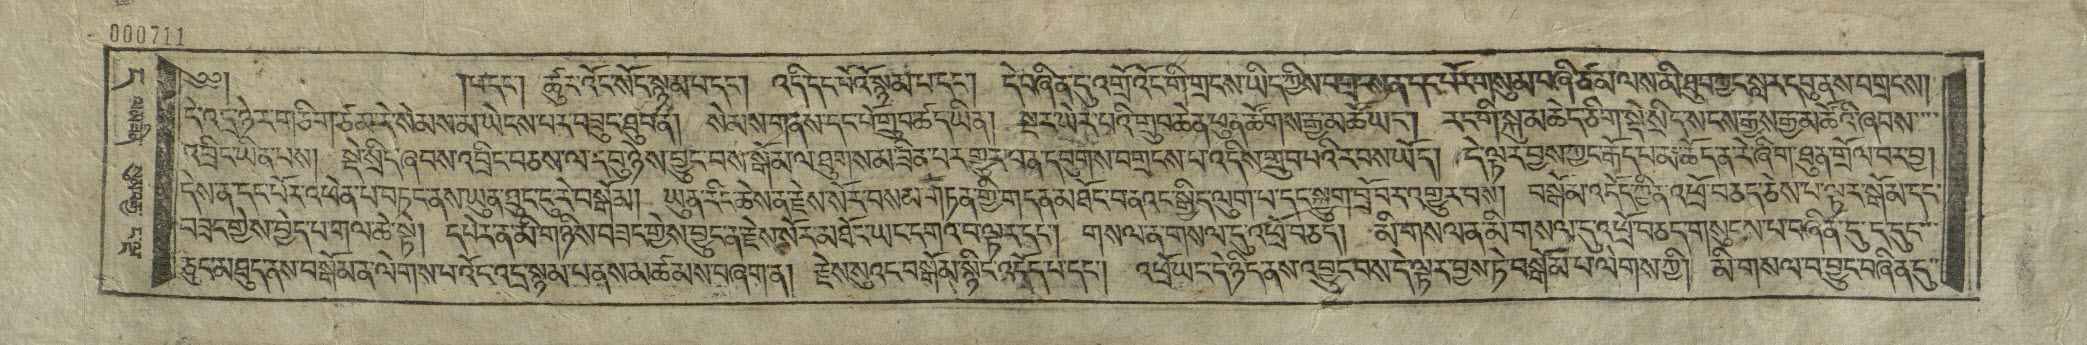༄༅། །པ་དང་། ཚུར་འོང་སོང་སྙམ་པ་དང་། འདི་དང་པོའོ་སྙམ་པ་དང་། དེ་བཞིན་དུ་འགྲོ་འོང་གི་གྲངས་ཡིད་ཀྱིས་བགྲངས་ན་དང་པོར་གསུམ་བཞི་ཙམ་ལས་མི་ཐུབ་ཀྱང་སླར་དབུ་ནས་བགྲངས།
དེ་འདྲ་ཉེར་གཅིག་ཙམ་རེ་སེམས་མ་ཡེངས་པར་བཟུང་ཐུབ་ན། སེམས་གནས་དང་པོ་གྲུབ་ཚད་ཡིན། སྔར་ཡེར་པའི་གྲུབ་ཆེན་ཕུན་ཚོགས་རྒྱ་མཚོ་ཡང་། རང་གི་སྐུ་མཆེད་ཅིག་སྡེ་སྲིད་སངས་རྒྱས་རྒྱ་མཚོའི་ཞབས་
འབྲིང་ཡིན་པས། སྡེ་སྲིད་ཞབས་འབྲིང་བཅས་ལ་དབུ་ཉེས་བྱུང་བས་སྒོམ་ལ་ཐུགས་མ་ཟིན་པར་གྱུར་པ་ན་དབུགས་བགྲངས་པ་འདིས་གྲུབ་པའི་རབས་ཡོད། དེ་ལྟར་བྱས་ཀྱང་རྒོད་པ་མ་ཆོད་ན་རེ་ཞིག་ཐུན་གྲོལ་བར་བྱ།
དེས་ན་དང་པོར་འཕེན་པ་བཏང་ནས་ཡུན་ཐུང་ངུ་རེ་བསྒོམ། ཡུན་རིང་ཆེས་ན་རྗེས་སོར་བསམ་གཏན་གྱི་གདན་མཐོང་བ་ནའང་སྒྱིད་ལུག་པ་དང་སྐྱུག་བྲོ་བར་འགྱུར་བས། བསྒོམ་འདོད་ཀྱིན་འཕྲོ་བཅད་ཅེས་པ་ལྟར་སྒོམ་དང་
བཟང་གྱེས་བྱེད་པ་གལ་ཆེ་སྟེ། དཔེར་ན་མི་གཉིས་བཟང་གྱེས་བྱུང་ན་རྗེས་སོར་མཐོང་ཡང་དགའ་བ་ལྟར་དང་། གསལ་ན་གསལ་དུ་འཕྲོ་བཅད། མི་གསལ་ན་མི་གསལ་དུ་འཕྲོ་བཅད་གསུངས་པ་བཞིན་དུ་ད་དུང་
ཅུང་མཐུད་ནས་བསྒོམ་ན་ལེགས་པ་འོང་འདྲ་སྙམ་པ་ནས་མཚམས་བཞག་ན། རྗེས་སུའང་བསྒོམ་སྙིང་འདོད་པ་དང་། འཕྲོ་ཡང་དེ་ཉིད་ནས་འབྱུང་བས་དེ་ལྟར་བྱས་ཏེ་བསྒོམ་པ་ལེགས་ཀྱི། མི་གསལ་བ་བྱུང་བཞིན་དུ་